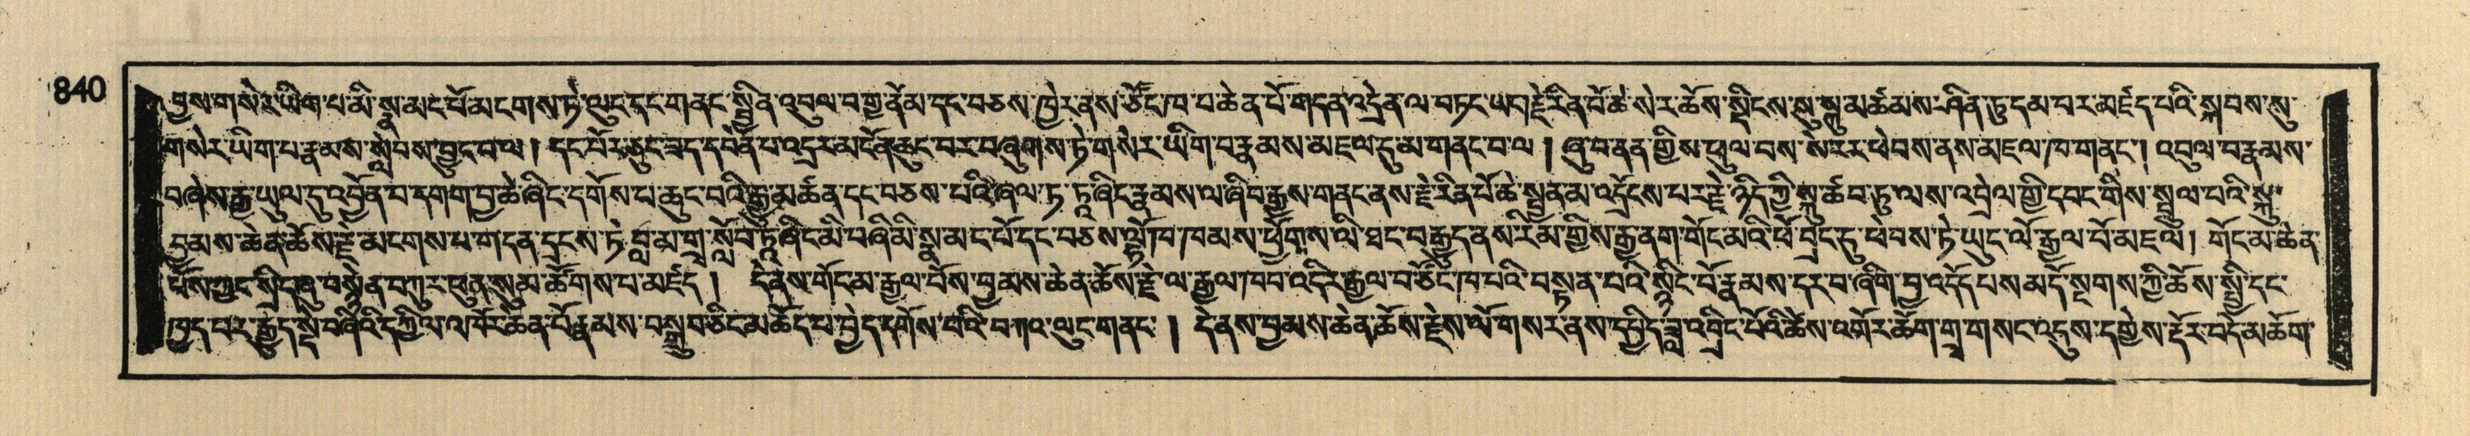བྱས་གསེར་ཡིག་པ་མི་སྣ་མང་པོ་མངགས་ཏེ་ལུང་དང་གནང་སྦྱིན་འབུལ་བ་གྱ་ནོམ་དང་བཅས་ཁྱེར་ནས་ཙོང་ཁ་པ་ཆེན་པོ་གདན་འདྲེན་ལ་བཏང་ཡང་། རྗེ་རིན་པོ་ཆེ་སེར་ཆོས་སྡིངས་སུ་སྐུ་མཚམས་ཤིན་ཏུ་དམ་པར་མཛད་པའི་སྐབས་སུ་
གསེར་ཡིག་པ་རྣམས་སླེབས་བྱུང་བ་ལ། དང་པོར་ཅུང་ཟད་དབེན་པ་འདྲར་མངོན་ཆུང་བར་བཞུགས་ཏེ་གསེར་ཡིག་པ་རྣམས་མཇལ་དུ་མ་གནང་བ་ལ། ཞུ་བ་ནན་གྱིས་ཕུལ་བས་སེ་རར་ཕེབས་ནས་མཇལ་ཁ་གནང་། འབུལ་བ་རྣམས་
བཞེས་རྒྱ་ཡུལ་དུ་འབྱོན་པ་དགག་བྱ་ཆེ་ཞིང་དགོས་པ་ཆུང་བའི་རྒྱུ་མཚན་དང་བཅས་པའི་ཞལ་ཏ་ཏཱ་ཞིང་རྣམས་ལ་ཞིབ་རྒྱས་གནང་ནས་རྗེ་རིན་པོ་ཆེ་སྤྱན་མ་འདྲོངས་པར་རྗེ་ཉིད་ཀྱི་སྐུ་ཚབ་ཏུ་ལས་འབྲེལ་གྱི་དབང་གིས་སྤྲུལ་བའི་སྐུ་
བྱམས་ཆེན་ཆོས་རྗེ་མངགས་པ་གདན་དྲངས་ཏེ་བླ་མ་གྲྭ་སློབ་ཏཱ་ཞིང་མི་བཞི་མི་སྣ་མང་པོ་དང་བཅས་ལྷོ་ཁ་ཁམས་ཕྱོགས་མི་ཐང་བརྒྱུད་ནས་རིམ་གྱིས་རྒྱ་ནག་གོང་མའི་ཕོ་བྲང་དུ་ཕེབས་ཏེ་ཡུང་ལོ་རྒྱལ་པོ་མཇལ། གོང་མ་ཆེན་
པོས་ཀྱང་སྲིད་ཞུ་བསྙེན་བཀུར་ཕུན་སུམ་ཚོགས་པ་མཛད། དེ་ནས་གོང་མ་རྒྱལ་པོས་བྱམས་ཆེན་ཆོས་རྗེ་ལ་རྒྱལ་ཁབ་འདིར་རྒྱལ་བ་ཙོང་ཁ་བའི་བསྟན་པའི་སྙིང་པོ་རྣམས་དར་བ་ཞིག་བྱ་འདོད་པས་མདོ་སྔགས་ཀྱི་ཆོས་སྤྱི་དང་
ཁྱད་པར་རྒྱུད་སྡེ་བཞིའི་དཀྱིལ་འཁོར་ཆེན་པོ་རྣམས་བསྒྲུབ་ཅིང་མཆོད་པ་བྱེད་དགོས་པའི་བཀའ་ལུང་གནང་། དེ་ནས་བྱམས་ཆེན་ཆོས་རྗེས་ལོ་གསར་ནས་དཔྱིད་ཟླ་འབྲིང་པོའི་ཚེས་འགོར་ཆོག་གྲྭ་གསང་འདུས་དགྱེས་རྡོར་བདེ་མཆོག་